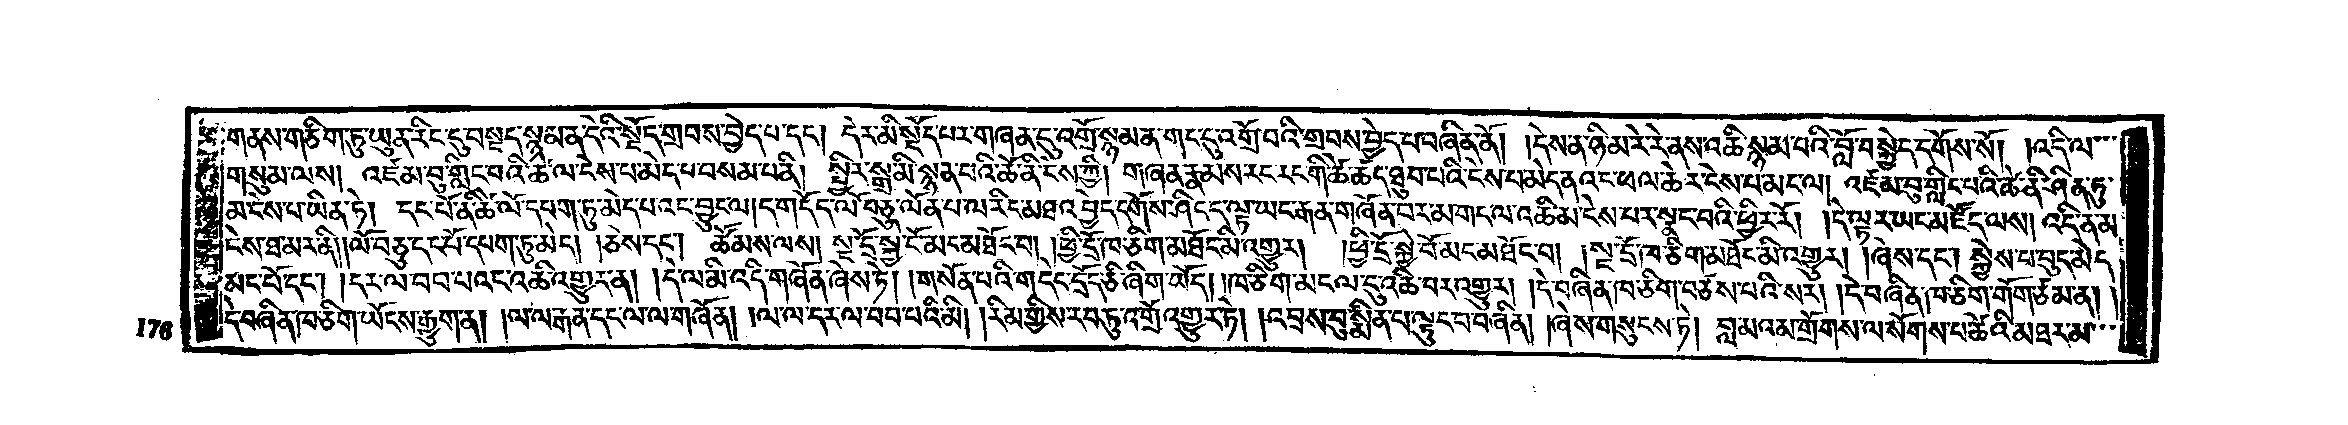གནས་གཅིག་ཏུ་ཡུན་རིང་དུ་བསྔད་སྙམ་ན་དེའི་སྡོད་གྲབས་བྱེད་པ་དང་། དེར་མི་སྡོད་པར་གཞན་དུ་འགྲོ་སྙམ་ན་གང་དུ་འགྲོ་བའི་གྲབས་བྱེད་པ་བཞིན་ནོ། །དེས་ན་ཉི་མ་རེ་རེ་ནས་འཆི་སྙམ་པའི་བློ་བསྐྱེད་དགོས་སོ། །འདི་ལ་
གསུམ་ལས། འཛམ་བུ་གླིང་པའི་ཚེ་ལ་ངེས་པ་མེད་པ་བསམ་པ་ནི། སྤྱིར་སྒྲ་མི་སྙན་པའི་ཚེ་ནི་ངེས་ཀྱི། གཞན་རྣམས་རང་རང་གི་ཚེ་ཚད་ཐུབ་པའི་ངེས་པ་མེད་ནའང་ཕལ་ཆེར་ངེས་པ་མང་ལ། འཛམ་བུ་གླིང་པའི་ཚེ་ནི་ཤིན་ཏུ་
མ་ངེས་པ་ཡིན་ཏེ། དང་པོ་ནི་ཚེ་ལོ་དཔག་ཏུ་མེད་པའང་བྱུང་ལ། ད་གདོད་ལོ་བཅུ་ལོན་པ་ལ་རིང་མཐའ་བྱེད་དགོས་ཤིང་ད་ལྟ་ཡང་རྒན་གཞོན་བར་མ་གང་ལ་འཆི་མ་ངེས་པར་སྣང་བའི་ཕྱིར་རོ། །དེ་ལྟར་ཡང་མཛོད་ལས། འདི་ན་མ་
ངེས་ཐ་མར་ནི། །ལོ་བཅུ་དང་པོ་དཔག་ཏུ་མེད། །ཅེས་དང་། ཚོམས་ལས། སྔ་དྲོ་སྐྱེ་ངོ་མང་མཐོང་བ། །ཕྱི་དྲོ་ཁ་ཅིག་མཐོང་མི་འགྱུར། །ཕྱི་དྲོ་སྐྱེ་བོ་མང་མཐོང་བ། །སྔ་དྲོ་ཁ་ཅིག་མཐོང་མི་འགྱུར། །ཞེས་དང་། སྐྱེས་པ་བུད་མེད་
མང་པོ་དང་། །དར་ལ་བབ་པའང་འཆི་འགྱུར་ན། །དེ་ལ་མི་འདི་གཞོན་ཞེས་ཏེ། །གསོན་པའི་གདེང་དྲོད་ཅི་ཞིག་ཡོད། །ཁ་ཅིག་མངལ་དུ་འཆི་བར་འགྱུར། །དེ་བཞིན་ཁ་ཅིག་བཙས་པའི་སར། །དེ་བཞིན་ཁ་ཅིག་གོག་ཙམ་ན། །
དེ་བཞིན་ཁ་ཅིག་ཡོངས་རྒྱུག་ན། །ལ་ལ་རྒན་དང་ལ་ལ་གཞོན། །ལ་ལ་དར་ལ་བབ་པའི་མི། །རིམ་གྱིས་རབ་ཏུ་འགྲོ་འགྱུར་ཏེ། །འབྲས་བུ་སྨིན་པ་ལྟུང་བ་བཞིན། །ཞེས་གསུངས་ཏེ། བླ་མའམ་གྲོགས་ལ་སོགས་པ་ཚེའི་མཐར་མ་